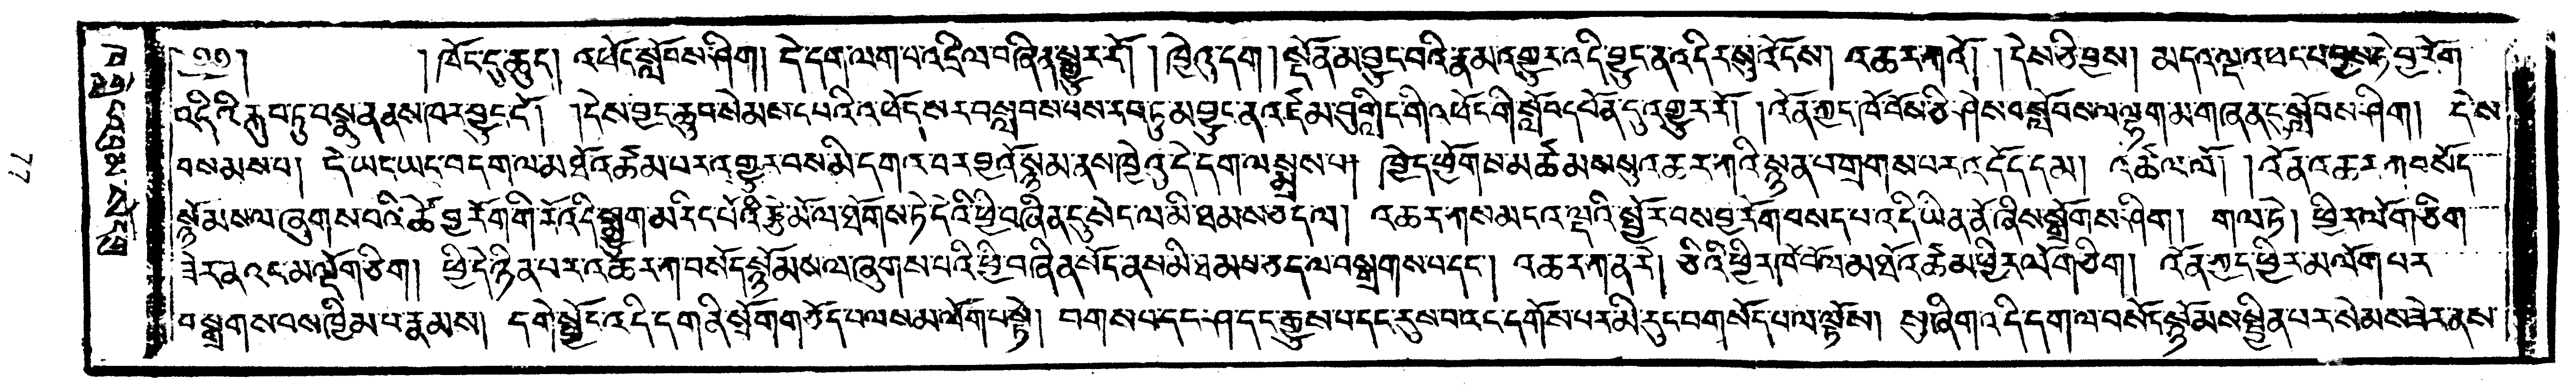༄༅། །ཁོང་དུ་ཆུད། འཕོང་སློབས་ཤིག། དེ་དག་ལག་པ་འདྲིལ་བཞིན་སྒྱུར་རོ། །ཁྱེའུ་དག །སྔོན་མ་བྱུང་བའི་རྣམ་འགྱུར་འདི་བྱུང་ན་འདིར་སུ་འོངས། འཆར་ཀའོ། །དེས་ཅི་བྱས། མདའ་ལྔ་འཕང་པ་བྱས་ཏེ་བྱ་རོག་
འདིའི་རྐུབ་ཏུ་བསྣུན་ནས་ཁར་བྱུང་ངོ། །དེས་བྱང་ཆུབ་སེམས་དཔའི་འཕོད་སར་བསླབས་པས་རབ་ཏུ་མ་བྱུང་ན་འཛམ་བུ་གླིང་གི་འཕོང་གི་སློབ་དཔོན་དུ་འགྱུར་རོ། །འོན་ཀྱང་ཁོ་བོས་ཅི་ཤེས་བསློབས་ལ་ལྷག་མ་གཞན་དུ་སློབས་ཤིག། དེས་
བསམས་པ། དེ་ཡང་ཡང་བདག་ལ་མཐོ་འཚམ་པར་འགྱུར་བས་མི་དགའ་བར་བྱའོ་སྙམ་ནས་ཁྱེའུ་དེ་དག་ལ་སྨྲས་པ། ཁྱེད་ཕྱོགས་མཚམས་སུ་འཆར་ཀའི་སྙན་པ་གྲགས་པར་འདོད་དམ། འཚལ་ལོ། །འོ་ན་འཆར་ཀ་བསོད་
སྙོམས་ལ་ཞུགས་པའི་ཚེ་བྱ་རོག་གི་རོ་འདི་སྨྱུག་མ་རིང་པོའི་རྩེ་མོ་ལ་ཐོགས་ཏེ་དེའི་ཕྱི་བཞིན་དུ་སེང་ལ་མི་ཐམས་ཅད་ལ། འཆར་ཀས་མངའ་ལྔའི་སྦྱོར་བས་བྱ་རོག་བསད་པ་འདི་ཡིན་ནོ་ཞིས་སྒྲོགས་ཤིག །གལ་ཏེ། ཕྱིར་ལོ་གཅིག་
ཟེར་ནའང་མ་ལྡོག་ཅིག །ཕྱི་དེ་ཉིན་པར་འཆར་ཀ་བསོད་སྙོམས་ལ་ཞུགས་པའི་ཕྱི་བཞིན་སོང་ནས་མི་ཐམས་ཅད་ལ་བསྒྲགས་པ་དང་། འཆར་ཀ་ན་རེ། ཅིའི་ཕྱིར་ཁོ་བོ་ལ་མཐོ་འཚམ་ཕྱིར་ལོ་གཅིག། འོན་ཀྱང་ཕྱིར་མ་ལོག་པར་
བསྒྲགས་པས་ཁྱིམ་པ་རྣམས། དགེ་སྦྱོང་འདི་དག་ནི་སྲོག་གཅོད་པ་ལས་མ་ལོག་པ་སྟེ། བགས་པ་དང་ཤ་དང་རྒྱུས་པ་དང་རུས་བའང་དགོས་པར་མི་རུང་བ་གསོད་པ་ལ་ལྟོས། སུ་ཞིག་འདི་དག་ལ་བསོད་སྙོམས་སྦྱིན་པར་སེམས་ཟེར་ནས་